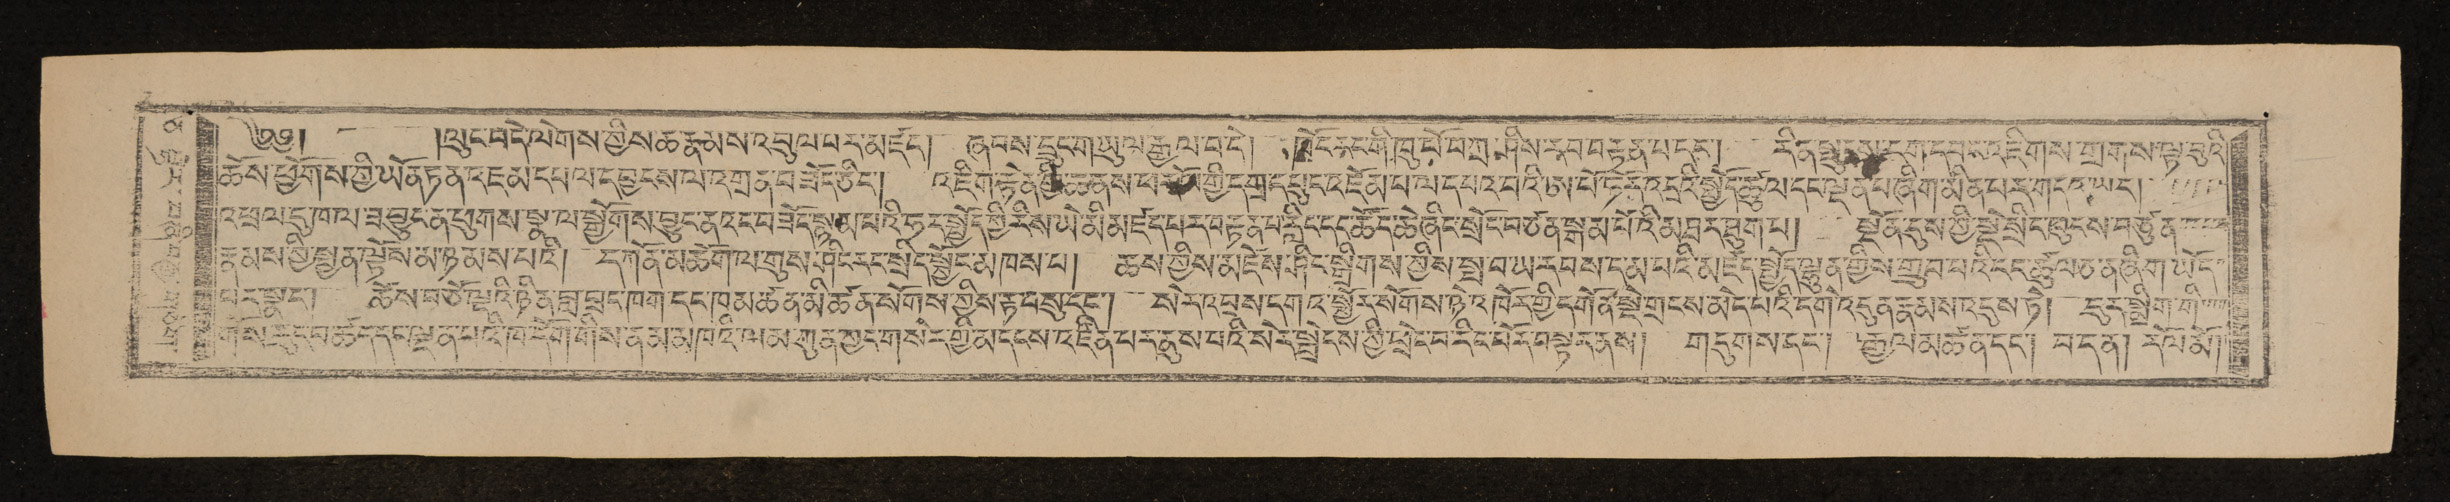༄༅། །ལུང་བདེ་ལེགས་ཀྱི་ས་ཆ་རྣམས་འབུལ་བར་མཛད། ཞབས་དྲུང་གཡུལ་རྒྱལ་བ་དེ། ཁོང་རང་གི་ཁུ་པོ་བཀྲ་ཤིས་རབ་བརྟན་པ་དང་། རིན་སྤུངས་ངག་དབང་འཇིགས་གྲགས་ལྟ་བུའི་
ཆོས་ཕྱོགས་ཀྱི་ཡོན་ཏན་འཇམ་དཔལ་དབྱངས་ལ་འགྲན་བཟོད་ཅིང་། འཇིག་རྟེན་གྱི་ཆ་ནས་ཕ་རོལ་གྱི་དགྲ་དཔུང་འཇོམ་པ་ལ་དཔའ་བའི་ཨ་པོ་ཧོར་འདྲའི་སྤྱོད་ཚུལ་དང་ལྡན་པ་ཞིག་མིན་པར་གདའ་ཡང་།
འཕྲལ་དུ་ཁ་ལ་ཟ་བྱུང་ན་ཕུགས་སྣ་ལ་སྒྱོགས་བྱུང་ནའང་བཟོད་སྙམ་པའི་ཧར་སྤྱོད་ཀྱི་རིས་ཡེ་མི་མཛད་པར་བརྟན་པ་རླིང་དང་ཚོད་ཆེ་ཞིང་སྲོང་བཙན་སྒམ་པོའི་མཐར་ཐུག་པ། སྔོན་དུས་ཀྱི་སྡེ་སྲིད་ཁུངས་བཙུན་
རྣམས་ཀྱི་སྤྱན་ལྟོས་མ་ཉམས་པའི། དཀོན་མཆོག་ལ་གུས་ཤིང་རང་སྲིད་སྐྱོང་མཁས་པ། ཆས་ཀྱི་མཛེས་ཤིང་སྒྲིགས་ཀྱིས་སྤ་བ་ཡ་རབས་དམ་པའི་མཛད་སྤྱོད་ལྷུན་གྱིས་གྲུབ་པའི་ངང་ཚུལ་ཅན་ཞིག་ཡོད་
པར་སྣང་། ཚེས་བཅོ་ལྔའི་ཉིན་བླ་བྲང་ཁག་དང་ཁམ་ཚན་མི་ཚན་སོགས་ཀྱིས་རྟ་བསུ་དང་། སེར་འབྲས་དགའ་སྐྱོར་སོགས་ཉེ་འཁོར་གྱི་དགོན་སྡེ་གྲངས་མེད་པའི་དགེ་འདུན་རྣམས་འདུས་ཏེ། ངུར་སྨྲིག་གི་
གོས་རུང་བ་ཚད་དང་ལྡན་པའི་ཁ་དོག་གིས་ནམ་མཁའི་ལམ་ཀུན་ཀྱང་གསེར་གྱི་མདངས་འཛིན་པར་ནུས་པའི་སེར་སྦྲེངས་ཀྱི་ཕྲེང་བ་རིང་པོར་བསྟར་ནས། གདུགས་དང་། རྒྱལ་མཚན་དང་། བ་དན། རོལ་མོ།